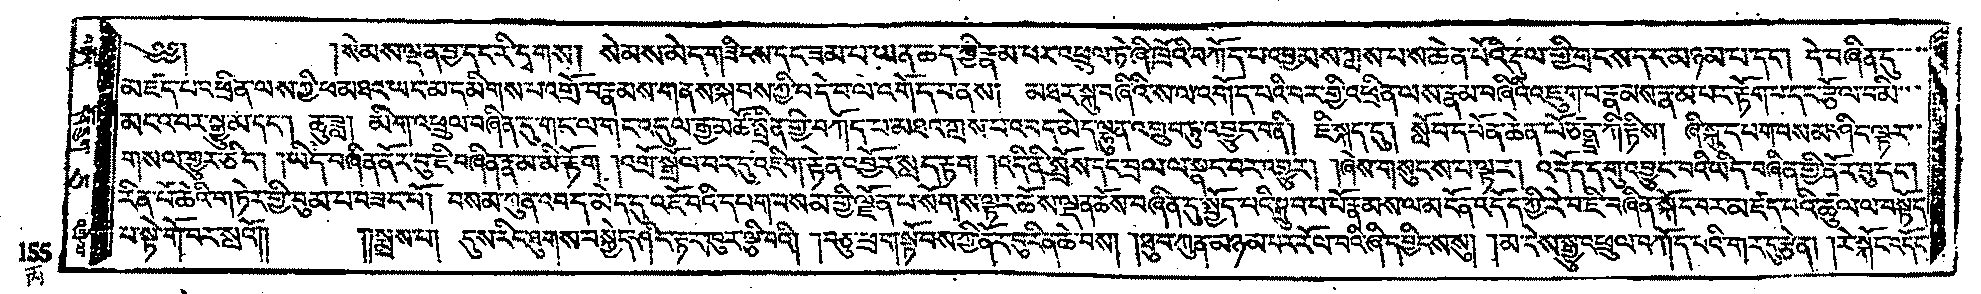༄༅། །སེམས་ལྡན་བྱ་དང་རི་དྭགས། སེམས་མེད་གཟིངས་དང་ཟམ་པ་ཡན་ཆད་ཀྱི་རྣམ་པར་འཕྲུལ་ཏེ་ཞི་ཁྲོའི་བཀོད་པ་འབྱམས་ཀླས་པ་ས་ཆེན་པོའི་རྡུལ་གྱི་གྲངས་དང་མཉམ་པ་དང་། དེ་བཞིན་དུ་
མཛད་པ་འཕྲིན་ལས་ཀྱི་ཕ་མཐའ་ཡང་མ་དམིགས་པ་འགྲོ་བ་རྣམས་གནས་སྐབས་ཀྱི་བདེ་བ་ལ་འགོད་པ་ནས། མཐར་སྐུ་བཞིའི་ས་ལ་འགོད་པའི་བར་གྱི་འཕྲིན་ལས་རྣམ་བཞིའི་འཇུག་པ་རྣམས་རྣམ་པར་རྟོག་པ་དང་རྩོལ་བ་མི་
མངའ་བར་སྒྱུ་མ་དང་། ཆུ་ཟླ། མིག་འཕྲུལ་བཞིན་དུ་གང་ལ་གང་འདུལ་རྒྱ་མཚོ་སྤྲིན་གྱི་བཀོད་པ་མཐའ་ཀླས་པ་འབད་མེད་ལྷུན་འགྲུབ་ཏུ་འབྱུང་བ་ནི། ཇི་སྐད་དུ། སློབ་དཔོན་ཆེན་པོ་ཙནྡྲ་ཀིརྟིས། ཞི་སྐུ་དཔག་བསམ་ཤིང་ལྟར་
གསལ་གྱུར་ཅིང་། །ཡིད་བཞིན་ནོར་བུ་ཇི་བཞིན་རྣམ་མི་རྟོག །འགྲོ་སྒྲོལ་བར་དུ་འཇིག་རྟེན་འབྱོར་སླད་རྟག །འདི་ནི་སྤྲོས་དང་བྲལ་ལ་སྣང་བར་འགྱུར། །ཞེས་གསུངས་པ་ལྟར། འདོད་དགུ་འབྱུང་བའི་ཡིད་བཞིན་གྱི་ནོར་བུ་དང་།
རིན་པོ་ཆེའི་གཏེར་གྱི་བུམ་པ་བཟང་པོ། བསམ་ཀུན་འབད་མེད་དུ་འཇོ་བའི་དཔག་བསམ་གྱི་ལྗོན་པ་སོགས་ལྟར་ཆོས་ལྡན་ཆོས་བཞིན་དུ་སྤྱོད་པའི་སྒྲུབ་པ་པོ་རྣམས་ལ་མངོན་འདོད་ཀྱི་རེ་བ་ཇི་བཞིན་སྐོང་བར་མཛད་པའི་ཚུལ་ལ་བསྟོད་
པ་སྟེ་གོ་བར་སླའོ།། །།སྨྲས་པ། དུས་རིང་ཐུགས་བསྐྱེད་ཤིང་རྟར་ཁུར་ལྕི་བའི། །བཅུ་ཕྲག་སྟོབས་ཀྱི་ནོར་བུ་རིན་ཆེ་བས། །ཐུབ་ཀུན་མཉམ་པར་རོལ་བའི་ཞི་དབྱིངས་སུ། །མ་ངེས་སྒྱུ་འཕྲུལ་བཀོད་པའི་གར་དུ་རྩེན། །རེ་སྐོང་འདོད་